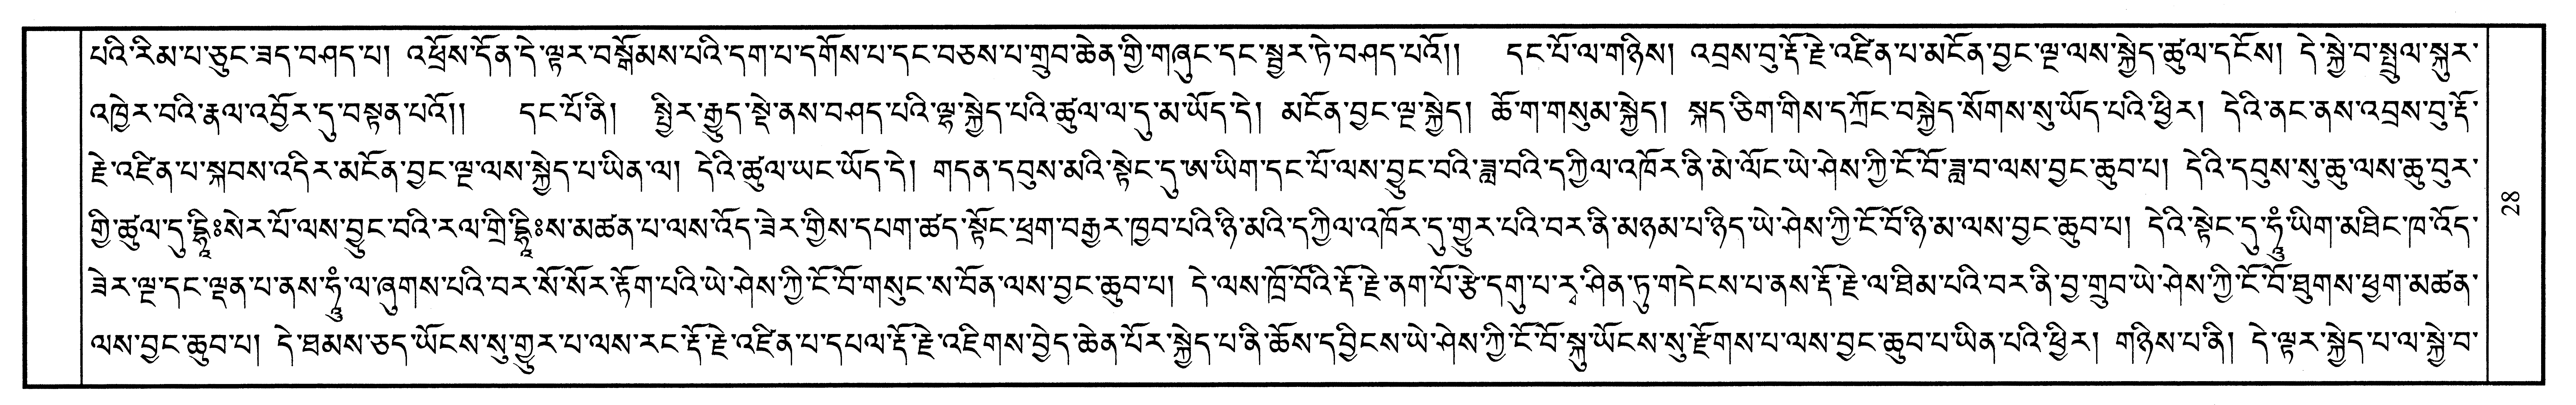པའི་རིམ་པ་ཅུང་ཟད་བཤད་པ། འཕྲོས་དོན་དེ་ལྟར་བསྒོམས་པའི་དག་པ་དགོས་པ་དང་བཅས་པ་གྲུབ་ཆེན་གྱི་གཞུང་དང་སྦྱར་ཏེ་བཤད་པའོ།། དང་པོ་ལ་གཉིས། འབྲས་བུ་རྡོ་རྗེ་འཛིན་པ་མངོན་བྱང་ལྔ་ལས་སྐྱེད་ཚུལ་དངོས། དེ་སྐྱེ་བ་སྤྲུལ་སྐུར་
འཁྱེར་བའི་རྣལ་འབྱོར་དུ་བསྟན་པའོ།། དང་པོ་ནི། སྤྱིར་རྒྱུད་སྡེ་ནས་བཤད་པའི་ལྷ་སྐྱེད་པའི་ཚུལ་ལ་དུ་མ་ཡོད་དེ། མངོན་བྱང་ལྔ་སྐྱེད། ཆོ་ག་གསུམ་སྐྱེད། སྐད་ཅིག་གིས་དཀྲོང་བསྐྱེད་སོགས་སུ་ཡོད་པའི་ཕྱིར། དེའི་ནང་ནས་འབྲས་བུ་རྡོ་
རྗེ་འཛིན་པ་སྐབས་འདིར་མངོན་བྱང་ལྔ་ལས་སྐྱེད་པ་ཡིན་ལ། དེའི་ཚུལ་ཡང་ཡོད་དེ། གདན་དབུས་མའི་སྟེང་དུ་ཨ་ཡིག་དང་པོ་ལས་བྱུང་བའི་ཟླ་བའི་དཀྱིལ་འཁོར་ནི་མེ་ལོང་ཡེ་ཤེས་ཀྱི་ངོ་བོ་ཟླ་བ་ལས་བྱུང་ཆུབ་པ། དེའི་དབུས་སུ་ཆུ་ལ་ཆུ་བུར་
གྱི་ཚུལ་དུ་དྷཱིཿ སེར་པོ་ལས་བྱུང་བའི་རལ་གྲི་དྷཱིཿ ས་མཚན་པ་ལས་འོད་ཟེར་གྱིས་དཔག་ཚད་སྟོང་ཕྲག་བརྒྱར་ཁྱབ་པའི་ཉི་མའི་དཀྱིལ་འཁོར་དུ་གྱུར་པའི་བར་ནི་མཉམ་པ་ཉིད་ཡེ་ཤེས་ཀྱི་ངོ་བོ་ཉི་མ་ལས་བྱང་ཆུབ་པ། དེའི་སྟེང་དུ་ཧཱུཾ་ཡིག་མཐིང་ཁ་འོད་
ཟེར་ལྔ་དང་ལྡན་པ་ནས་ཧཱུཾ་ལ་ཞུགས་པའི་བར་སོ་སོར་རྟོག་པའི་ཡེ་ཤེས་ཀྱི་ངོ་བོ་གསུང་ས་བོན་ལས་བྱང་ཆུབ་པ། དེ་ལས་ཁྲོ་བོའི་རྡོ་རྗེ་ནག་པོ་རྩེ་དགུ་པ་རྭ་ཤིན་ཏུ་གདེངས་པ་ནས་རྡོ་རྗེ་ལ་ཐིམ་པའི་བར་ནི་བྱ་གྲུབ་ཡེ་ཤེས་ཀྱི་ངོ་བོ་ཐུགས་ཕྱག་མཚན་
ལས་བྱང་ཆུབ་པ། དེ་ཐམས་ཅད་ཡོངས་སུ་གྱུར་པ་ལས་རང་རྡོ་རྗེ་འཛིན་པ་དཔལ་རྡོ་རྗེ་འཇིགས་བྱེད་ཆེན་པོར་སྐྱེད་པ་ནི་ཆོས་དབྱིངས་ཡེ་ཤེས་ཀྱི་ངོ་བོ་སྐུ་ཡོངས་སུ་རྫོགས་པ་ལས་བྱང་ཆུབ་པ་ཡིན་པའི་ཕྱིར། གཉིས་པ་ནི། དེ་ལྟར་སྐྱེད་པ་ལ་སྐྱེ་བ་